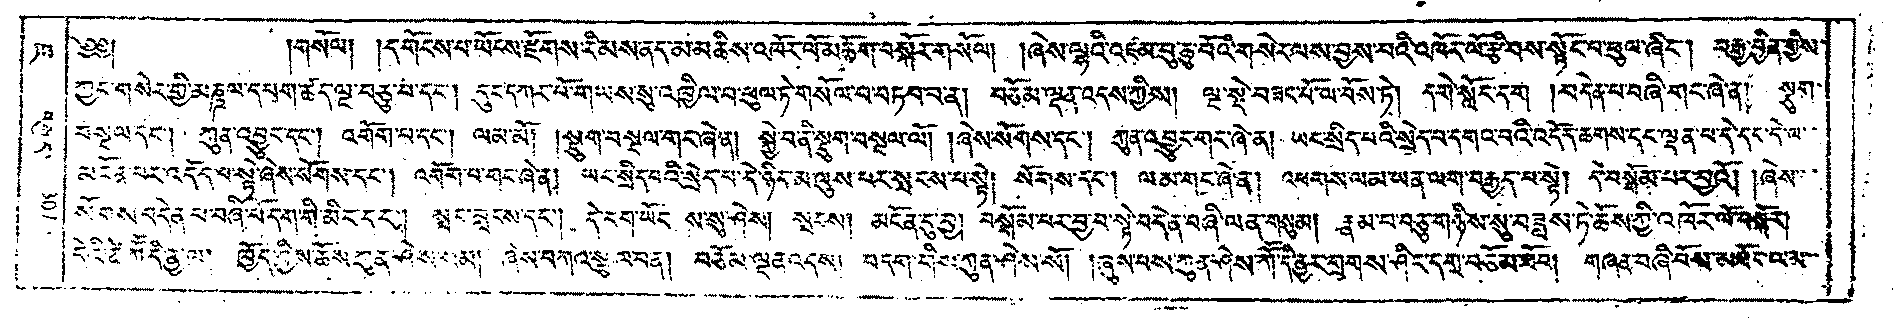༄༅། །གསོལ། །དགོངས་པ་ཡོངས་རྫོགས་རིམས་ནད་མ་མཆིས་འཁོར་ལོ་མཆོག་བསྐོར་གསོལ། །ཞེས་ལྷའི་འཛམ་བུ་ཆུ་བོའི་གསེར་ལས་བྱས་པའི་འཁོར་ལོ་རྩིབས་སྟོང་པ་ཕུལ་ཞིང་། བརྒྱ་བྱིན་གྱིས་
ཀྱང་གསེར་གྱི་མཎྜལ་དཔག་ཚད་ལྔ་བཅུ་པ་དང་། དུང་དཀར་པོ་གཡས་སུ་འཁྱིལ་བ་ཕུལ་ཏེ་གསོལ་བ་བཏབ་པ་ན། བཅོམ་ལྡན་འདས་ཀྱིས། ལྔ་སྡེ་བཟང་པོ་ལ་བོས་ཏེ། དགེ་སློང་དག །བདེན་པ་བཞི་གང་ཞེ་ན། སྡུག་
བསྔལ་དང་། ཀུན་འབྱུང་དང་། འགོག་པ་དང་། ལམ་མོ། །སྡུག་བསྔལ་གང་ཞེ་ན། སྐྱེ་བ་ནི་སྡུག་བསྔལ་ལོ། །ཞེས་སོགས་དང་། ཀུན་འབྱུང་གང་ཞེ་ན། ཡང་སྲིད་པའི་སྲེད་པ་དགའ་བའི་འདོད་ཆགས་དང་ལྡན་པ་དེ་དང་དེ་ལ་
མངོན་པར་འདོད་པ་སྟེ་ཞེས་སོགས་དང་། འགོག་པ་གང་ཞེ་ན། ཡང་སྲིད་པའི་སྲེད་པ་དེ་ཉིད་མ་ལུས་པར་སྤངས་པ་སྟེ། སོགས་དང་། ལམ་གང་ཞེ་ན། འཕགས་ལམ་ཡན་ལག་བརྒྱད་པ་སྟེ། དེ་བསྒོམ་པར་བྱའོ། །ཞེས་
སོགས་བདེན་པ་བཞི་པོ་དག་གི་མིང་དང་། སྤང་བླངས་དང་། དེ་དག་ཡོངས་སུ་ཤེས། སྤངས། མངོན་དུ་བྱ། བསྒོམ་པར་བྱ་བ་སྟེ་བདེན་བཞི་ལན་གསུམ། རྣམ་པ་བཅུ་གཉིས་སུ་བཟླས་ཏེ་ཆོས་ཀྱི་འཁོར་ལོ་བསྐོར།
དེའི་ཚེ་ཀཽ་དི་ནྱ་ལ། ཁྱོད་ཀྱིས་ཆོས་ཀུན་ཤེས་སམ། ཞེས་བཀའ་སྩལ་པ་ན། བཅོམ་ལྡན་འདས། བདག་གིས་ཀུན་ཤེས་སོ། །ཞུས་པས་ཀུན་ཤེས་ཀཽ་དི་ནྱར་གྲགས་ཤིང་དགྲ་བཅོམ་ཐོབ། གཞན་བཞི་པོས་མཐོང་ལམ་